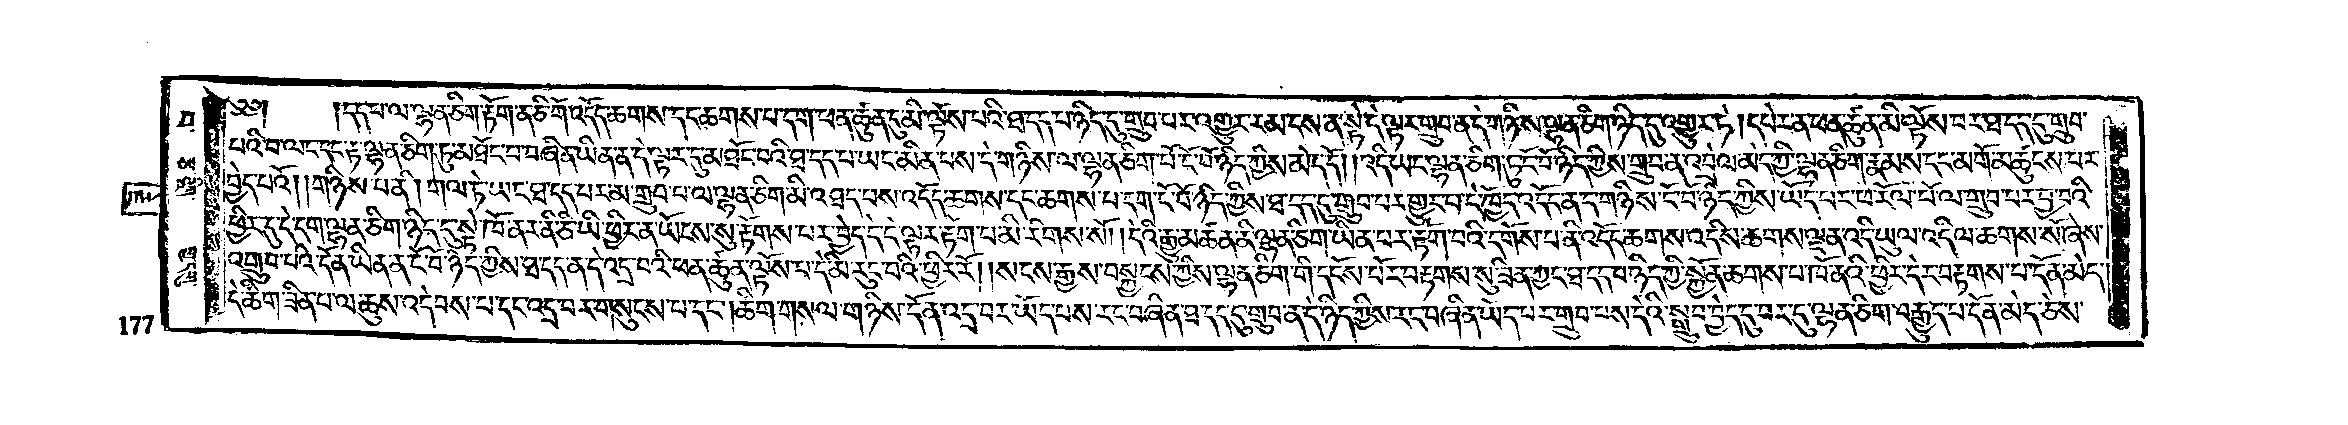༄༅། །དད་པ་ལ་ལྷན་ཅིག་རྟོག་ན་ཅི་གོ་འདོད་ཆགས་དང་ཆགས་པ་དག་ཕན་ཚུན་དུ་མི་ལྟོས་པ་ཐ་དད་པ་ཉིད་དུ་གྲུབ་པ་འགྱུར་རམ་དས་ན་སྟེ་དེ་ལྟར་གྲུབ་ཆ་དེ་གཉིས་ལྷན་ཅིག་ཉིད་དུ་འགྱུར་ཏེ། དཔེར་ན་ཕན་ཚུལ་མི་ལྟོས་པར་ཐ་དད་དུ་གྲུབ་
པའི་བ་ལང་དང་རྟ་ལྷན་ཅིག་ཏུ་མཐོང་བ་བཞིན་ཡིན་ན་དེ་ལྟར་དུ་མཐོང་བའི་ཐ་དད་པ་ཡང་མིན་པས་དེ་གཉིས་ལ་ལྷན་ཅིག་པ་ངོ་བོ་ཉིད་ཀྱིས་མེད་དོ། །འདི་ཡང་ལྷན་ཅིག་ཏུ་ངོ་བོ་ཉིད་ཀྱིས་གྲུབ་ན་འབྲེལ་མེད་ཀྱི་ལྷན་ཅིག་རྣམས་དང་མགོ་མཚུངས་པར་
བྱེད་པའོ། །གཉིས་པ་ནི། གལ་ཏེ་ཡང་ཐ་དད་པར་མ་གྲུབ་པ་ལ་ལྷན་ཅིག་མི་འཐད་པས་འདོད་ཆགས་དང་ཆགས་པ་དག་ངོ་བོ་ཉིད་ཀྱིས་ཐ་དད་དུ་གྲུབ་པར་གྱུར་བ་དེ་ཁྱོད་འདོད་ན་དེ་གཉིས་ངོ་བོ་ཉིད་ཀྱིས་ཡོད་པར་ཕ་རོལ་པ་ལ་གྲུབ་པར་བྱ་བའི་
ཕྱིར་དུ་དེ་དག་ལྷན་ཅིག་ཉིད་དུ་སྟེ་ཁོ་ནར་ནི་ཅི་ཡི་ཕྱིར་ན་ཡོངས་སུ་རྟོགས་པར་བྱེད་དེ་ལྟར་རྟོག་པ་མི་རིགས་སོ། །དེའི་རྒྱུ་མཚན་ནི་ལྷན་ཅིག་ཡིན་པར་རྟོག་པའི་དགོས་པ་ནི་འདོད་ཆགས་འདིས་ཆགས་ལྡན་འདི་ཡུལ་འདི་ལ་ཆགས་སོ་ཞེས་
འགྲུབ་པའི་དོན་ཡིན་ན་ངོ་བོ་ཉིད་ཀྱིས་ཐ་དད་ན་དེ་འདྲ་བའི་ཕན་ཚུན་ལྟོས་པ་དེ་མི་རུང་པའི་ཕྱིར་རོ། །སངས་རྒྱས་བསྐང་ཀྱིས་ལྷན་ཅིག་གི་དངོས་པོར་བརྟགས་སུ་ཟིན་ཀྱང་ཐ་དད་པ་ཉིད་ཀྱི་སྐྱོན་ཆགས་པ་ཁོ་ནའི་ཕྱིར་དེར་བརྟགས་པ་དོན་མེད་
དེ་ཚིག་ཟིན་པ་ལ་ཆུས་འདེབས་པ་དང་འདྲ་བར་གསུངས་པ་དང་། ཚིག་གསལ་གཉིས་དོན་འདྲ་བར་ཡོད་པས་རང་བཞིན་ཐ་དད་དུ་གྲུབ་ན་དེ་ཉིད་ཀྱིས་རང་བཞིན་ཡོད་པར་གྲུབ་པས་དེའི་སྒྲུབ་བྱེད་དུ་བར་དུ་ལྷན་ཅིག་བརྒྱུད་པ་དོན་མེད་ཅེས་